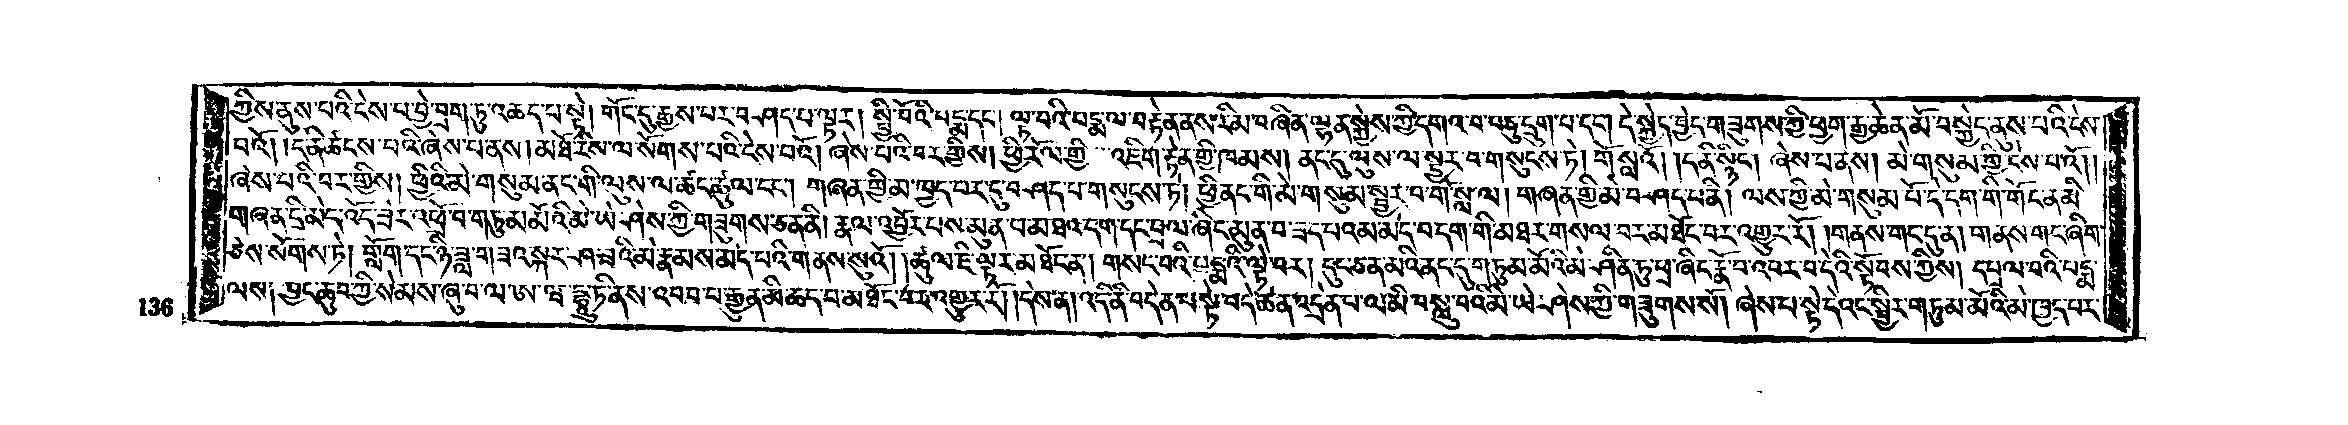ཀྱིས་ནུས་པའི་ངེས་པ་བྱེ་བྲག་ཏུ་འཆད་པ་སྟེ། གོང་དུ་རྒྱས་པར་བཤད་པ་ལྟར། སྤྱི་བོའི་པདམ་དང་། ལྟ་བའི་པདམ་ལ་བརྟེན་ནས་རིམ་བཞིན་ལྷན་སྐྱེས་ཀྱི་དགའ་བ་བཅུ་དྲུག་པ་དང་། དེ་སྐྱེད་བྱེད་གཟུགས་ཀྱི་ཕྱག་རྒྱ་ཆེན་མོ་བསྐྱེད་ནུས་པའི་ངེས་
པའོ། །ད་ནི་ཚངས་པའི་ཞེས་པ་ནས། མཐོ་རིས་ལ་སོགས་པའི་ངེས་པའོ། ཞེས་པའི་བར་གྱིས། ཕྱི་རོལ་གྱི་འཇིག་རྟེན་གྱི་ཁམས། ནང་དུ་ལུས་ལ་སྦྱར་བ་གསུངས་ཏེ། གོ་སླའོ། །ད་ནི་སྙིང་། ཞེས་པ་ནས། མེ་གསུམ་གྱི་ངེས་པའོ། །
ཞེས་པའི་བར་གྱིས། ཕྱིའི་མེ་གསུམ་ནང་གི་ལུས་ལ་ཚད་ཚུལ་དང་། གཞན་གྱི་མ་ཁྱད་པར་དུ་བཤད་པ་གསུངས་ཏེ། ཕྱི་ནང་གི་མེ་གསུམ་སྦྱར་བ་གོ་སླ་ལ། གཞན་གྱི་མེ་བཤད་པ་ནི། ལས་ཀྱི་མེ་གསུམ་པོ་དེ་དག་གི་གོང་ན་མི་
གཞན་དྲི་མེད་འོད་ཟེར་འཕྲོ་བ་གཏུམ་མོའི་མེ་ཡེ་ཤེས་ཀྱི་གཟུགས་ཅན་ནི། རྣལ་འབྱོར་པས་མུན་པ་མཐའ་དག་དང་བྲལ་ཞིང་མུན་པ་ཟད་པའམ་མེད་བདག་གི་མཐར་གསལ་བར་མཐོང་བར་འགྱུར་རོ། །གནས་གང་དུ་ན། གནས་གང་ཞིག་
ཅེས་སོགས་ཏེ། གློག་དང་ཉི་ཟླ་གཟའ་སྐར་ཤ་ཟའི་མེ་རྣམས་མེད་པའི་གནས་སུའོ། །ཚུལ་ཇི་ལྟར་མཐོང་ན། གསང་བའི་པདམའི་ལྟེ་བར། དུང་ཅན་མའི་ནང་དུ་གཏུམ་མོའི་མེ་ཤིན་ཏུ་ཕྲ་ཞིང་རྣོ་བ་འབར་བ་དེའི་སྟོབས་ཀྱིས། དཔྲལ་བའི་པདམ་
ལས། བྱང་ཆུབ་ཀྱི་སེམས་ཞུ་བ་ལ་ཨ་ཝ་དྷཱུ་ཏི་ནས་འབབ་པ་རྒྱུན་མི་ཆད་པ་མཐོང་བར་འགྱུར་རོ། །དེས་ན། འདི་ནི་བདེན་པ་སྟེ་བདེ་ཆེན་འདྲེན་པ་ལ་མི་བསླུ་བའི་མེ་ཡེ་ཤེས་ཀྱི་གཟུགས་སོ། ཞེས་པ་སྟེ་དེའང་སྤྱིར་གཏུམ་མོའི་མེ་ཁྱད་པར་